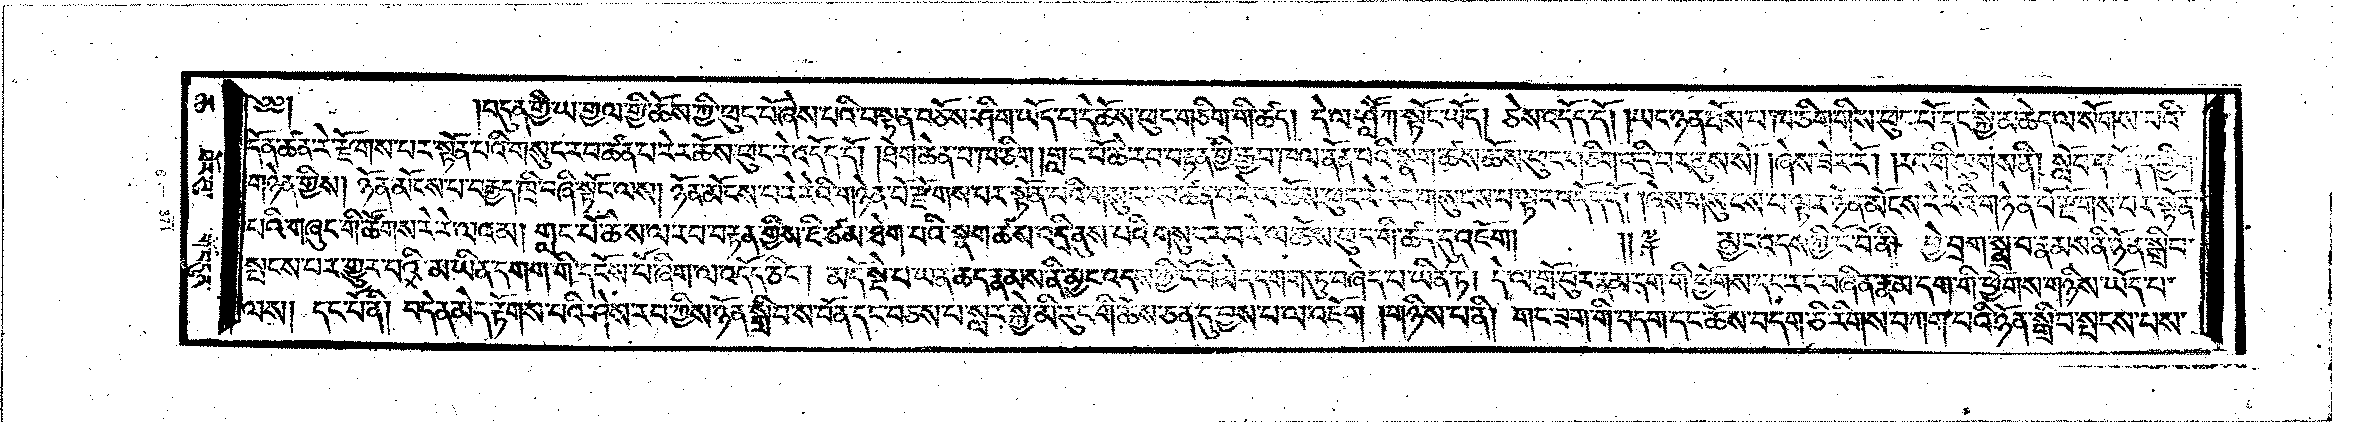༄༅། །བདུན་གྱི་ཡ་གྱལ་གྱི་ཆོས་ཀྱི་ཕུང་པོ་ཞེས་པའི་བསྟན་བཅོས་ཤིག་ཡོད་པ་དེ་ཆོས་ཕུང་གཅིག་གི་ཚད། དེ་ལ་ཤླཽཀ་སྟོང་ཡོད། ཅེས་འདོད་དོ། །ཡང་ཉན་ཐོས་པ་ཁ་ཅིག་གིས་ཕུང་པོ་དང་སྐྱེ་མཆེད་ལ་སོགས་པའི་
དོན་ཚན་རེ་རྫོགས་པར་སྟོན་པའི་གསུང་རབ་ཚན་པ་རེར་ཆོས་ཕུང་རེ་འདོད་དོ། །ཐེག་ཆེན་པ་ཁ་ཅིག །གླང་པོ་ཆེ་རབ་བརྟན་གྱི་རྒྱབ་ཁལ་ནོན་པའི་སྣག་ཚས་ཆོས་ཕུང་གཅིག་འདྲི་བར་ནུས་སོ། །ཞེས་ཟེར་རོ། །རང་གི་ལུགས་ནི། སློབ་དང་ནོ་དབྱིག་
གཉེན་གྱིས། ཉོན་མོངས་པ་བརྒྱད་ཁྲི་བཞི་སྟོང་ལས། ཉོན་མོངས་པ་རེ་རེའི་གཉེན་པོ་རྫོགས་པར་སྟོན་པའི་གསུང་རབ་ཚན་པ་རེ་ལ་ཆོས་ཕུང་རེར་གསུངས་པ་ལྟར་འདོད་དོ། །ཞེས་གསུངས་པ་ལྟར་ཉོན་མོངས་རེ་རེའི་གཉེན་པོ་རྫོགས་པར་སྟོན་
པའི་གཞུང་གི་ཚོགས་རེ་རེ་ལའམ། གླང་པོ་ཆེ་ས་ལ་རབ་བརྟན་གྱིས་ཇི་ཙམ་ཐེག་པའི་སྣག་ཚས་འདྲི་ནུས་པའི་གསུང་རབ་རེ་ལ་ཆོས་ཕུང་གི་ཚད་དུ་འཇོག། །།༈ མྱང་འདས་ཀྱི་ངོ་བོ་ནི། བྱེ་བྲག་སྨྲ་བ་རྣམས་ནི་ཉོན་སྒྲིབ་
སྤངས་པར་གྱུར་པའི་མ་ཡིན་དགག་གི་དངོས་པོ་ཞིག་ལ་འདོད་ཅིང་། མདོ་སྡེ་པ་ཡན་ཆད་རྣམས་ནི་མྱང་འདས་ཀྱི་ངོ་བོ་མེད་དགག་ཏུ་བཞེད་པ་ཡིན་ཏེ། དེ་ལ་གློ་བུར་རྣམ་དག་གི་ཕྱོགས་དང་རང་བཞིན་རྣམ་དག་གི་ཕྱོགས་གཉིས་ཡོད་པ་
ལས། དང་པོ་ནི། བདེན་མེད་རྟོགས་པའི་ཤེས་རབ་ཀྱིས་ཉོན་སྒྲིབ་ས་བོན་དང་བཅས་པ་སླར་སྐྱེ་མི་རུང་གི་ཆོས་ཅན་དུ་བྱས་པ་ལ་འཇོག །གཉིས་པ་ནི། གང་ཟག་གི་བདག་དང་ཆོས་བདག་ཅི་རིགས་བཀག་པའི་ཉོན་སྒྲིབ་སྤངས་པས་